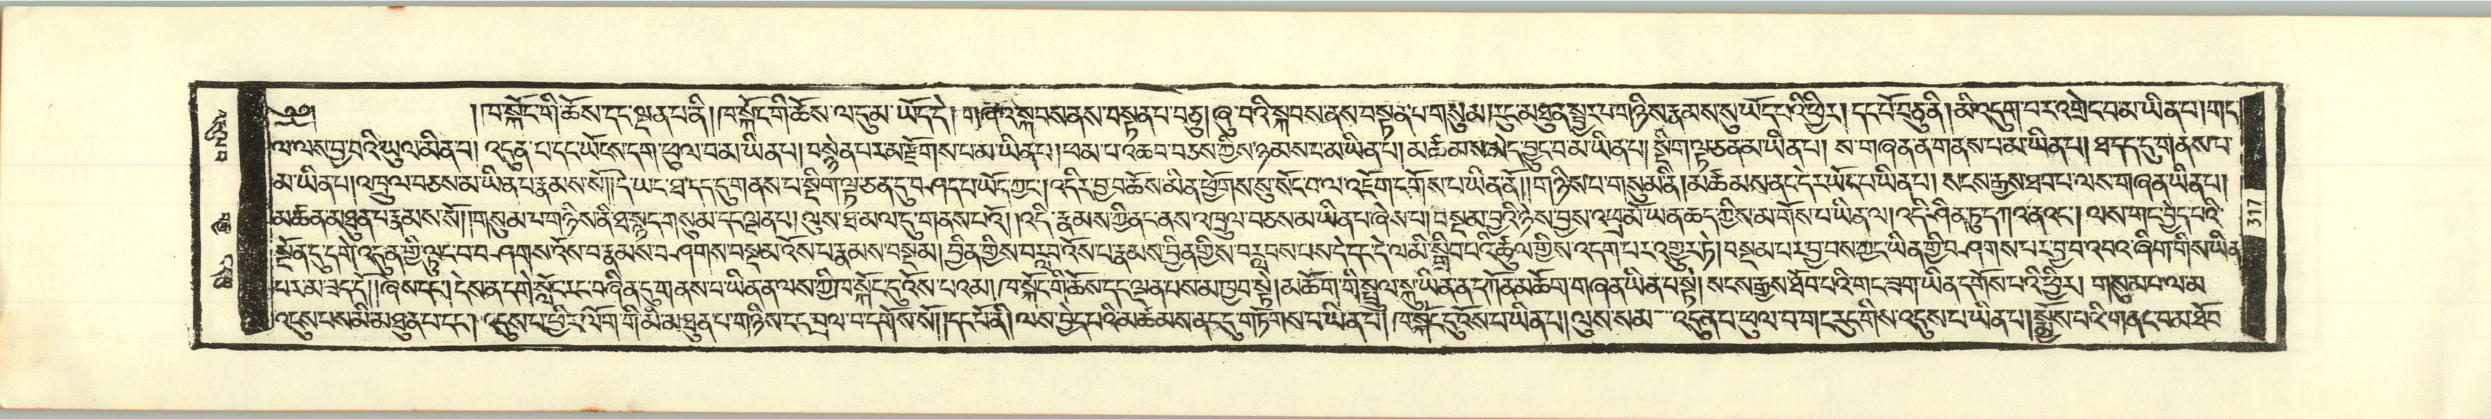༄༅། །ཁ་སྐོང་གི་ཆོས་དང་ལྡན་པ་ནི། ཁ་སྐོང་གི་ཆོས་ལ་དུ་མ་ཡོད་དེ། གཞིའི་སྐབས་ནས་བསྟན་པ་བཅུ། ཞུ་བའི་སྐབས་ནས་བསྟན་པ་གསུམ། རུང་མཐུན་སྦྱར་པ་གཉིས་རྣམས་སུ་ཡོད་པའི་ཕྱིར། དང་པོ་བཅུ་ནི། མི་འདུག་པར་འགྲེང་བ་མ་ཡིན་པ། གང་
ལ་ལས་བྱ་བའི་ཡུལ་མིན་པ། འདུན་པ་དང་ཡོངས་དག་ཕུལ་བ་མ་ཡིན་པ། བསྙེན་པར་མ་རྫོགས་པ་མ་ཡིན་པ། ཕམ་པ་འཆབ་བཅས་ཀྱིས་ཉམས་པ་མ་ཡིན་པ། མཚམས་མེད་བྱུང་བ་མ་ཡིན་པ། སྡིག་ལྟ་ཅན་མ་ཡིན་པ། ས་གཞན་ན་གནས་པ་མ་ཡིན་པ། ཐ་དད་དུ་གནས་པ་
མ་ཡིན་པ། འཁྲུལ་བཅས་མ་ཡིན་པ་རྣམས་སོ། །དེ་ཡང་ཐ་དད་དུ་གནས་པ་སྡིག་ལྟ་ཅན་དུ་བཤད་པ་ཡོད་ཀྱང་། འདིར་བྱ་བ་ཆོས་མིན་ཕྱོགས་སུ་སོང་བ་ལ་འཇོག་དགོས་པ་ཡིན་ནོ། །གཉིས་པ་གསུམ་ནི། མཚམས་ནང་དེར་ཡོད་པ་ཡིན་པ། སངས་རྒྱས་ཐབ་པ་ལས་གཞན་ཡིན་པ།
མཚན་མཐུན་པ་རྣམས་སོ། །གསུམ་པ་གཉིས་ནི་ཐ་སྙད་གསུམ་དང་ལྡན་པ། ལུས་ཐ་མལ་དུ་གནས་པའོ། །འདི་རྣམས་ཀྱི་ནང་ནས་འཁྲུལ་བཅས་མ་ཡིན་པ་ཞེས་པ། བསྔམ་བྱའི་ཉེས་བྱས་འཕྲ་མོ་ཡན་ཆད་ཀྱིས་མ་གོས་པ་ཡིན་ལ། འདི་ཤིན་ཏུ་དཀའ་ནའང་། ལས་གང་བྱེད་པའི་
སྔོན་དུ་དགེ་འདུན་གྱི་ལྟུང་བ་བཤགས་འོས་བ་རྣམས་བཤགས་བསྡམ་འོས་པ་རྣམས་བསྡམ། བྱིན་གྱིས་བརླབ་འོས་པ་རྣམས་བྱིན་གྱིས་བརླབས་པས་དེ་དང་དེ་ལ་མི་སྒྲིབ་པའི་ཚུལ་གྱིས་འདག་པར་འགྱུར་ཏེ། བསྡམ་པར་བྱ་བས་ཀྱང་ཡིན་གྱི་བཤགས་པར་བྱ་བ་འབའ་ཞིག་གིས་ཡིན་
པར་མ་ཟད་དོ། །ཞེས་དང་། དེས་ན་དགེ་སློང་རང་བཞིན་དུ་གནས་པ་ཡིན་ན་ལས་ཀྱི་ཁ་སྐོང་དུ་འོས་པའམ། ཁ་སྐོང་གི་ཆོས་དང་ལྡན་པས་མ་ཁྱབ་སྟེ། མཆོག་གི་སྤྲུལ་སྐུ་ཡིན་ན་དཀོན་མཆོག་གཞན་ཡིན་པ་སྟེ། སངས་རྒྱས་ཐོབ་པའི་གང་ཟག་ཡིན་དགོས་པའི་ཕྱིར། གསུམ་པ་ལ་མ་
འདུས་པས་མི་མཐུན་པ་དང་། འདུས་པ་ཕྱིར་ལོག་གི་མི་མཐུན་པ་གཉིས་དང་བྲལ་བ་དགོས་སོ། །དང་པོ་ནི། ལས་བྱེད་པའི་མཚམས་ནང་དུ་གཏོགས་པ་ཡིན་པ། ཁ་སྐོང་དུ་འོས་པ་ཡིན་པ། ལུས་སམ་འདུན་པ་ཕུལ་བ་གང་རུང་གིས་འདུས་པ་ཡིན་པ། སྨྱོས་པའི་གནང་བ་མ་ཐོབ་